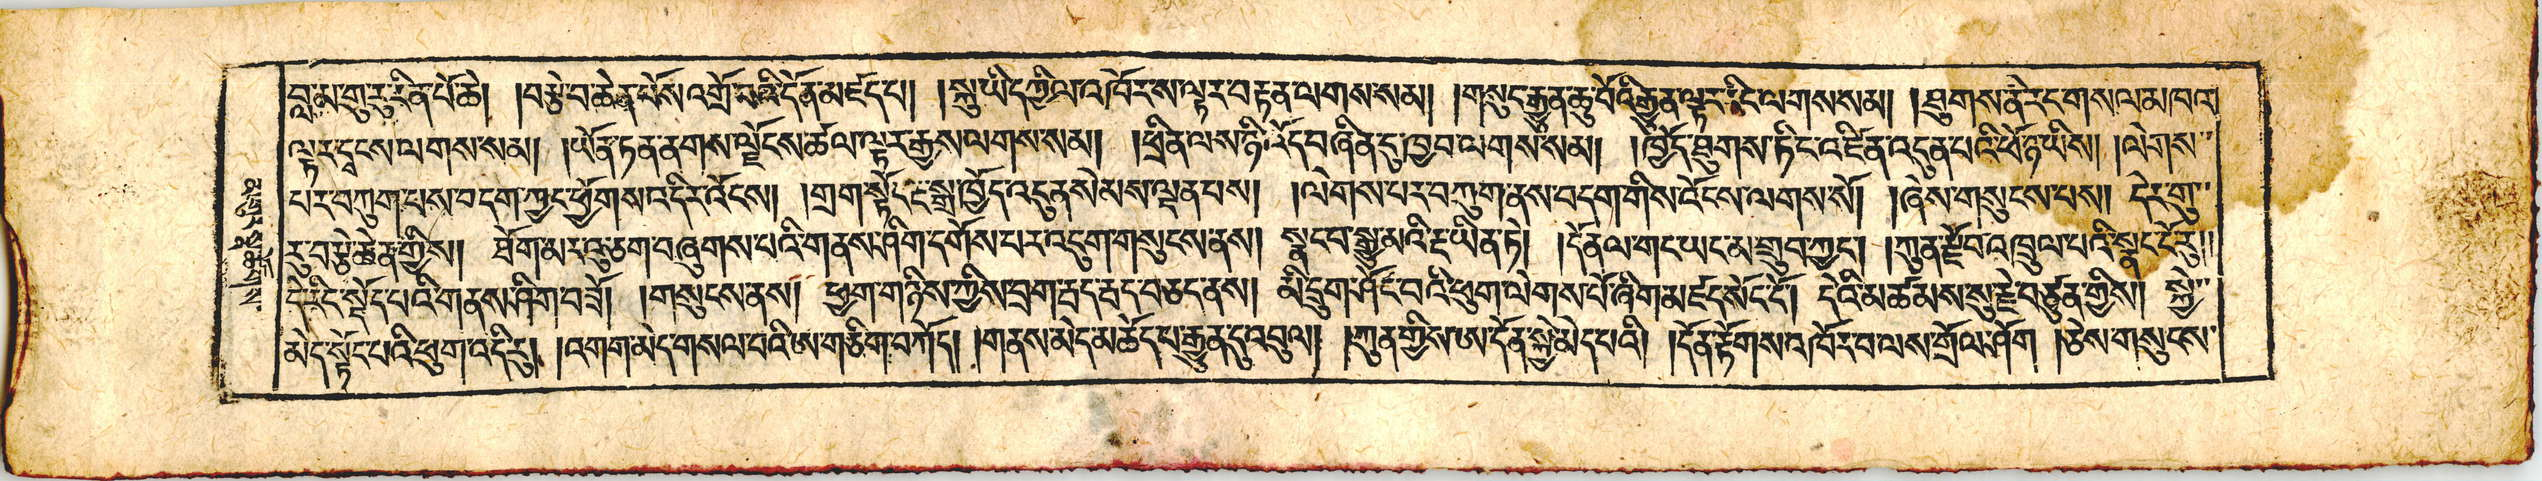བླ་མ་གུ་རུ་རིན་པོ་ཆེ། །བརྩེ་བ་ཆེན་པོས་འགྲོ་བའི་དོན་མཛད་པ། །སྐུ་ཡི་དཀྱིལ་འཁོར་ས་ལྟར་བརྟན་ལགས་སམ། །གསུང་རྒྱུན་ཆུ་བོའི་རྒྱུན་ལྟར་རིང་ལགས་སམ། །ཐུགས་ནི་རང་གསལ་མཁའ་
ལྟར་དྭངས་ལགས་སམ། །ཡོན་ཏན་ནགས་ལྗོངས་ཚལ་ལྟར་རྒྱས་ལགས་སམ། །ཕྲིན་ལས་ཉི་འོད་བཞིན་དུ་ཁྱབ་ལགས་སམ། །ཁྱོད་ཐུགས་ཏིང་འཛིན་འདུན་པའི་ཕོ་ཉ་ཡིས། །ལེགས་
པར་བཀུག་པས་བདག་ཀྱང་ཕྱོགས་འདིར་འོངས། །གྲག་སྟོང་རྔ་སྒྲ་ཁྱོད་འདུན་སེམས་ལྡན་པས། །ལེགས་པར་བཀུག་ནས་བདག་གིས་འོངས་ལགས་སོ། །ཞེས་གསུངས་པས། དེར་གུ་
རུ་བརྩེ་ཆེན་གྱིས། ཐོག་མར་འུ་ཅག་བཞུགས་པའི་གནས་ཤིག་དགོས་པར་འདུག་གསུངས་ནས། སྣང་བ་སྒྱུ་མའི་རྔ་ཡིན་ཏེ། །དོན་ལ་གང་ཡང་མ་གྲུབ་ཀྱང། །ཀུན་རྫོབ་འཁྲུལ་པའི་སྣང་ངོ་རུ། །
དེ་རིང་སྡོད་པའི་གནས་ཤིག་བཟོ། །གསུངས་ནས། ཕྱག་གཉིས་ཀྱིས་བྲག་རྦད་རྦད་བཅད་ནས། མི་དྲུག་ཤོང་བའི་ཕུག་ལེགས་པོ་ཞིག་མཛད་སོང་། དེའི་མཚམས་སུ་རྗེ་བཙུན་གྱིས། སྐྱེ་
མེད་སྟོང་པའི་ཕུག་འདི་རུ། །འགག་མེད་གསལ་པའི་ཨ་གཅིག་བཀོད། །གནས་མེད་མཆོད་པ་རྒྱུན་དུ་འབུལ། །ཀུན་གྱིས་ཨ་དོན་སྐྱེ་མེད་པའི། །དོན་རྟོགས་འཁོར་བ་ལས་གྲོལ་ཤོག །ཅེས་གསུངས་